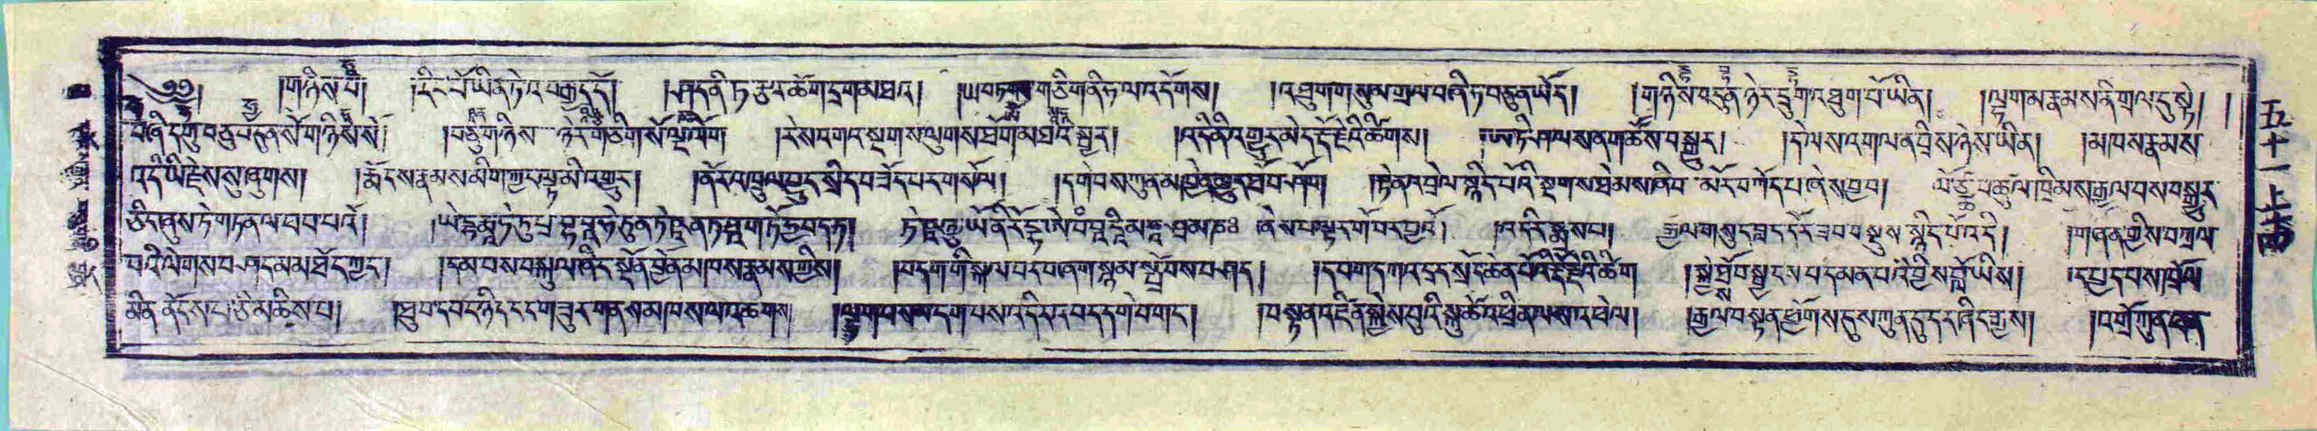གཉིས་པ། །རིང་པོ་ཡིན་ཏེ་འ་བརྒྱད་དོ། །ཤད་ནི་དར་རྩར་?་ཚེག་དྲག་མཐའ། །ཡ་ཏ་གཅིག་ནི་ཧ་ལ་འདོགས། །འཐུག་གསུམ་གྲལ་བཞི་ཧ་བདུན་ཡོད། །
གཉིས་བདུན་ཉེར་དྲུག་འཐུག་པོ་ཡིན། །ལྷག་མ་རྣམས་ནི་གྲལ་དུ་སྟེ། །བཞི་དགུ་བཅུ་བདུན་སོ་གཉིས་སོ། །བཅུ་གཉིས་ཉེར་གཅིག་སོ་ལྔ་ལོག །རེས་འགའ་སྔགས་ལུགས་
ཐོག་མཐའ་སྦྱར། །འདི་ནི་འགྱུར་མེད་རྡོ་རྗེའི་ཚིགས། །ཨ་ཏི་ཤ་ལས་ནག་ཚོས་བསྒྱུར། །དེ་ལས་འགལ་ན་བྲིས་ཉེས་ཡིན། །མཁས་རྣམས་འདི་ཡི་རྗེས་སུ་ཞུགས། །རྨོངས་
རྣམས་མིག་ཀྱང་ལྟ་མི་འགྱུར། །ནོར་འཁྲུལ་བྱུང་སྲིད་བཟོད་པར་གསོལ། །དགེ་བས་ཀུན་མཁྱེན་མྱུར་ཐོབ་ཤོག །རྟེན་འབྲེལ་སྙིང་པོའི་སྔགས་ཐེམས་ཞིབ་མོར་བཀོད་པ་ཞེས་
བྱ་བ༑ ལོ་ཙྪ་བ་ཚུལ་ཁྲིམས་རྒྱལ་བས་བསྒྱུར་ཅིང་ཞུས་ཏེ་གཏན་ལ་ཕབ་པའོ། །ཡེ་དྷརྨཱ་ཧེ་ཏུ་པྲ་བྷ་བཱ་ཧེ་ཏུན་ཏེ་ཥཱན་ཏ་ཐཱ་ག་ཏོ་སྱ་བ་ད་ཏ། །ཏེ་ཥཱཉྩ་ཡོ་ནི་རོ་དྷ་ཨེ་བཾ་བཱ་དཱི་མཧཱ་ཤྲ་མ་ཎཿཞེས་པ་ལྟར་གོ་བར་བྱའོ། །འདིར་སྨྲས་པ། རྒྱལ་གསུང་བླང་དོར་ཟབ་བསྡུས་སྙིང་པོ་འདི། །གཞན་གྱིས་བཀྲལ་བའི་ལེགས་བཤད་མ་མཐོང་ཀྱང་། །དམ་པས་བསྐུལ་ཞིང་སྔོན་བྱོན་
མཁས་རྣམས་ཀྱིས། །བདག་གི་སྐལ་བར་བཞག་སྙམ་སྤྲོ་བས་བཤད། །དཔག་དགའ་དྲང་སྲོང་ཆེན་པོའི་རྡོ་རྗེའི་ཚིག །སྐྱེ་ཐོབ་སྦྱངས་པ་དམན་པའི་བྱིས་བློ་ཡིས། །དཔྱད་པས་
ཁྲོལ་བའི་ནོངས་པ་ཅི་མཆིས་པ། །ཐུབ་དབང་ཉིད་དང་གཟུར་གནས་མཁས་ལ་འཆག །ལྷག་བསམ་དག་པས་འདིར་འབད་དགེ་བ་གང་། །བསྟན་འཛིན་སྐྱེས་བུའི་སྐུ་ཚེ་འཕྲིན་ལས་
འཕེལ། །རྒྱལ་བསྟན་ཕྱོགས་དུས་ཀུན་དུ་དར་ཞིང་རྒྱས། །འགྲོ་ཀུན་ཕན་